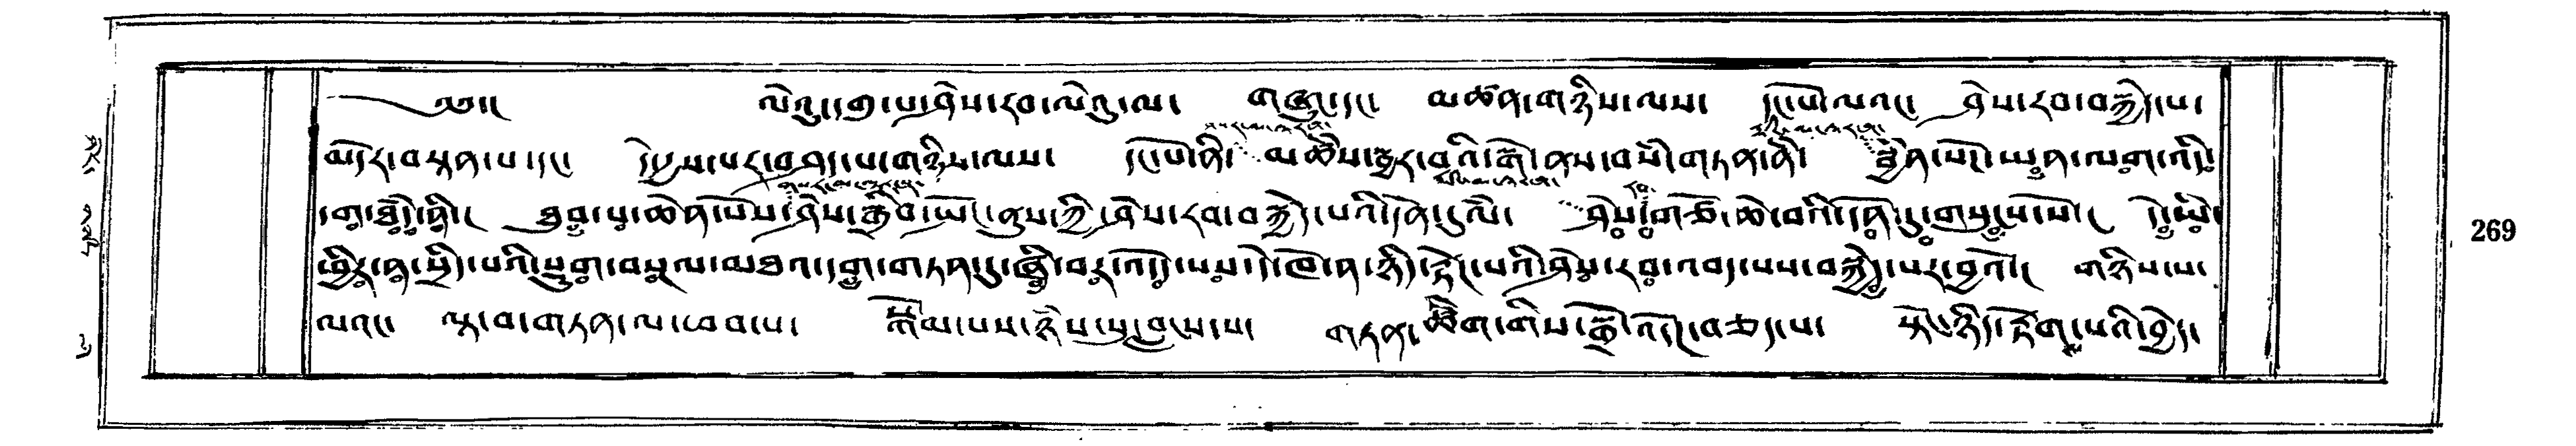ལེའུ་དགུ་པ་ཤེས་རབ་ལེའུ་ལ། གཞུང་དང་། མཚན་གཉིས་ལས། དང་པོ་ལའང་། ཤེས་རབ་བསྐྱེད་པ་
མདོར་བསྟན་པ་དང་། དེ་རྒྱས་པར་བཤད་པ་གཉིས་ལས། དང་པོ་ནི། གསར་མ་ལྟར་ན། མཚམས་སྦྱར་བའི་སྒོ་ནས་བསམ་གཏན་ནི། རྙིང་མ་ལྟར་ན། སྦྱིན་སོགས་ཡན་ལག་འདི་
དག་ཐམས་ཅད་ནི། ཐུབ་པ་ཆེན་པོས་གསར་མ་ལྟར་ན། ཤེས་སྒྲིབ་སྤོང་ནུས་ཀྱི་ཤེས་རབ་བསྐྱེད་པའི་དོན་དུ་ལམ། རྙིང་མ་ལྟར་ན། ཤེས་རབ་གཙོ་ཆེ་བའི་དོན་དུ་གསུངས་སོ། དེ་ཡི་
ཕྱིར་ན་སྲིད་པའི་སྡུག་བསྔལ་མཐའ་དག་གཏན་དུ་ཞི་བར་འདོད་པས་དེ་ཁོ་ན་ཉིད་རྟོགས་པའི་ཤེས་རབ་འབད་པས་བསྐྱེད་པར་བྱའོ། གཉིས་པ་
ལའང་། ལྟ་བས་གཏན་ལ་ཕབ་པ། སྒོམ་པས་ཉམས་སུ་བླངས་པ། གཏན་ཚིག་གིས་སྒྲོ་འདོགས་བཅད་པ། སྟོང་ཉིད་རྟོགས་པའི་བྱེད་